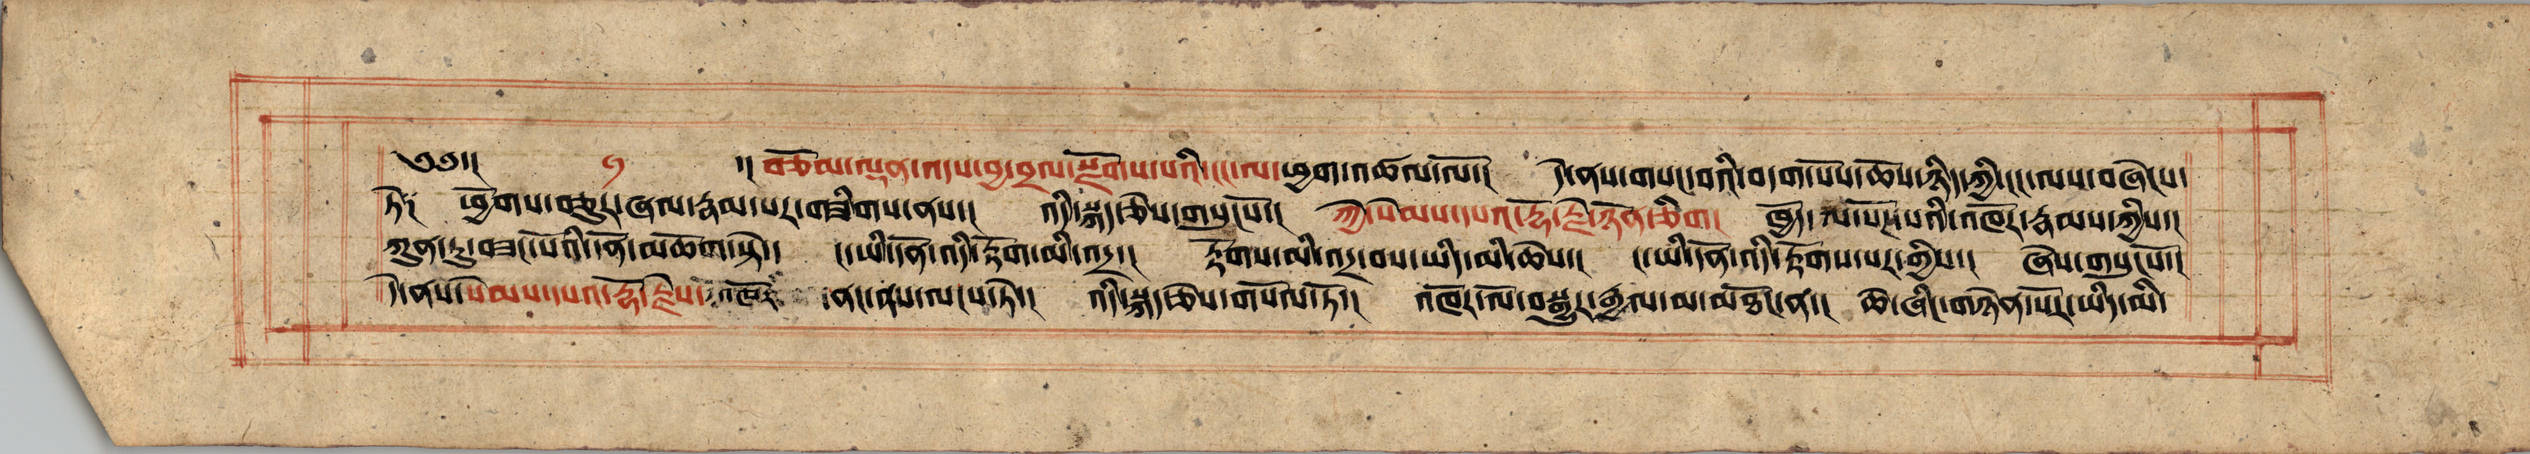༄༅་། ཧ ་།བཅོམ་ལྡན་འདས་བྱ་བྲལ་སྫོགས་པའི་ངང་ལ་ཕྱག་འཚལ་ལོ་། དེ་ནས་གསང་བའི་བདག་པོས་ཆོས་ཉིད་ཀྱི་ངང་ལས་བཞེངས་
ཏེᨐ ཕྱོགས་བཅུར་ཞལ་རྣམ་པར་གཟིགས་ནས་། འདི་སྐད་ཅེས་གསུངསོ་། ཀྱེ་སེམས་དཔའ་རྡོ་རྗེ་ཉོན་ཅིག། ཁྱོད་ལ་སོཌ་པའི་འཁོར་རྣམས་ཀྱིས་།
ཀུན་ཏུ་བཟང་པོའི་དོན་མཆོག་སྟེ་། ང་ཡི་དོན་འདི་རྟོག་མི་འདྲ་། རྟོགས་མི་འདྲ་བས་ཡིད་མི་ཆེས་། ང་ཡི་དོན་འདི་རྟོགས་པར་གྱིས་། ཞེས་གསུངསོ་།
དེ་ནས་སེམས་དཔའ་རྡོ་རྗེས་འཁོར་ནང་ནས་ལངས་ཏེ་། འདི་སྐད་ཅེས་གསོལ་ཏོ་། འཁོར་ལོ་བསྒྱུར་རྒྱལ་མ་མཐོང་ན་། ཆེ་ཞིང་གཉེན་པོར་ཡིད་མི་